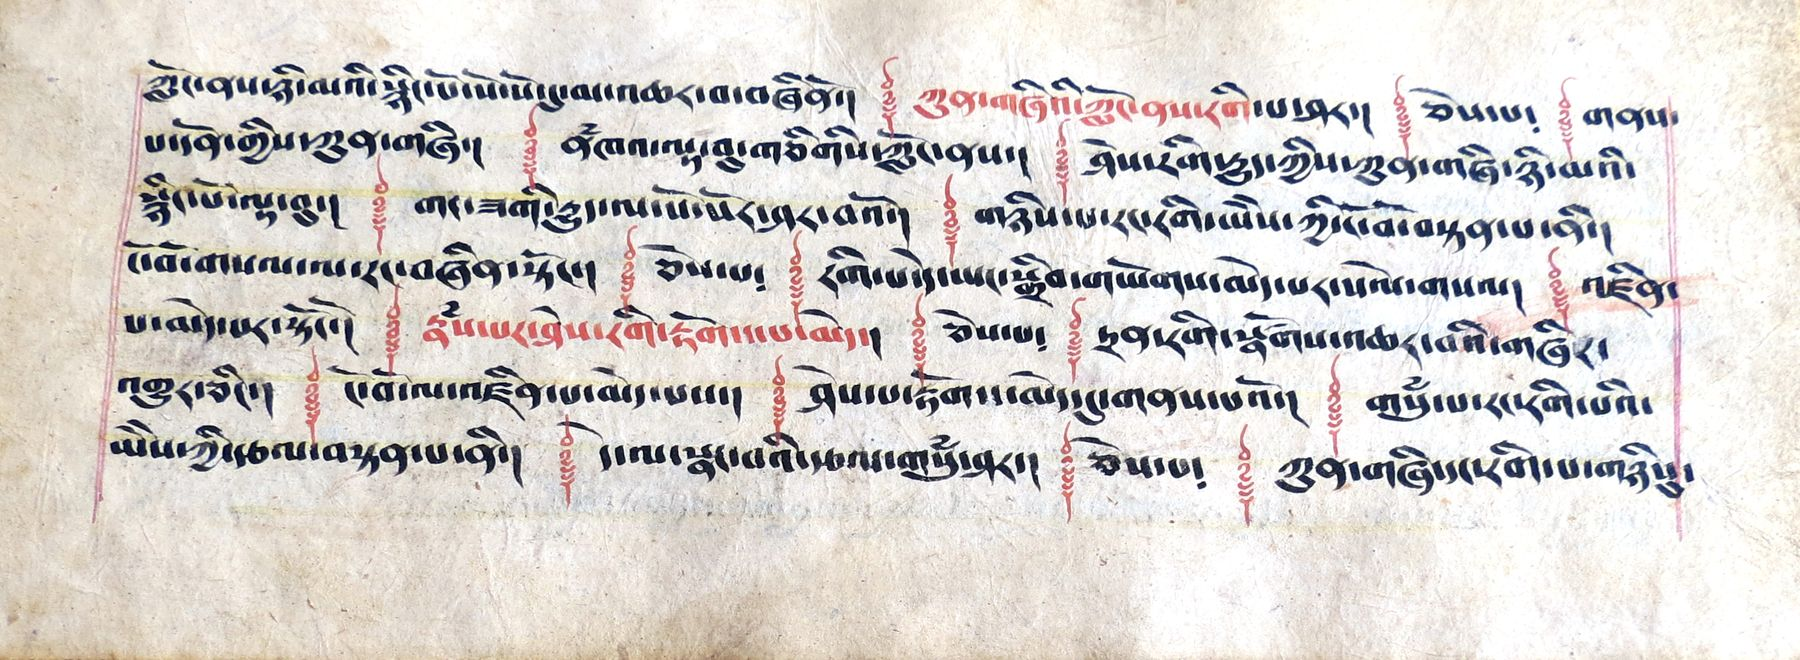ཀློང་ནས་ཉི་མའི་སྙིང་པོ་སོ་སོ་དུ་མ་འཆར་བ་བཞིན་ནོ། །ཀུན་གཞིའི་ཀློང་ནས་རིག་པ་ཤར་ཅེས་པས། གནས་
པ་དོན་གྱི་ཀུན་གཞི། ནམ་མཁའ་ལྟ་བུ་གཅིག་གི་ཀློང་ནས་ཤེས་རིག་རྒྱུད་ཀྱི་ཀུན་གཞི་ཉི་མའི་
སྙིང་པོ་ལྟ་བུ་གང་ཟག་གི་རྒྱུད་ལ་སོ་སོར་ཤར་བའོ། །གཉིས་པ་རང་རིག་ཡེ་ཤེས་ཀྱི་ངོ་བོ་བསྟན་པ་ནི། 
ངོ་བོ་གསལ་ལ་རང་བཞིན་སྟོང་ཞེས་པས། རིག་པ་དེ་ཡང་སྒྲིབ་གཡོགས་མེད་པར་སལེར་གསལ། འཛིན་
པ་མེད་པར་སྟོང་ངོ་། །རྣམ་པར་ཤེས་རིག་རྟོག་པ་མེད། །ཅེས་པས་དྲན་རིག་སྣ་ཚོགས་འཆར་བའི་གཞིར་
གྱུར་ཅིང་། ངོ་བོ་ལ་འཛིན་པ་མེད་པས་ཤེས་རིག་རྟོག་མེད་དུ་གནས་པའོ། །གསུམ་པ་རང་རིག་པའི་
ཡེ་ཤེས་ཀྱི་རྩལ་བསྟན་པ་ནི། དེ་ལ་སྣང་བའི་རྩལ་གསུམ་ཤར་ཅེས་པས། ཀུན་གཞི་དང་རིག་པ་གཉིས་སུ་